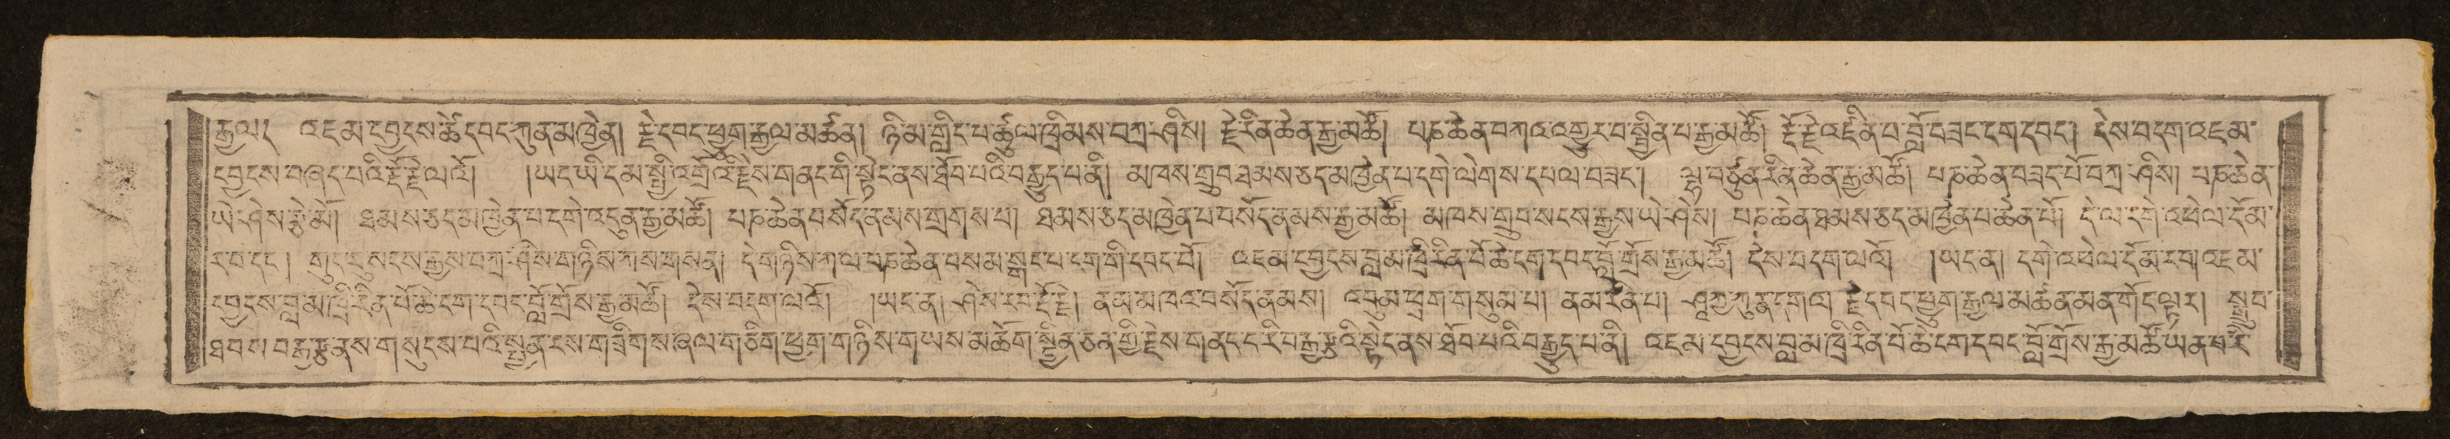རྒྱལ༑ འཇམ་དབྱངས་ཚེ་དབང་ཀུན་མཁྱེན། རྗེ་དབང་ཕྱུག་རྒྱལ་མཚན། ཉི་མ་གླིང་པ་ཚུལ་ཁྲིམས་བཀྲ་ཤིས། རྗེ་རིན་ཆེན་རྒྱ་མཚོ། པཎ་ཆེན་བཀའ་འགྱུར་པ་སྦྱིན་པ་རྒྱ་མཚོ། རྡོ་རྗེ་འཛིན་པ་བློ་བཟང་ངག་དབང་། དེས་བདག་འཇམ་
དབྱངས་བཞད་པའི་རྡོ་རྗེ་ལའོ། །ཡང་ཡི་དམ་སྤྱི་འགྲོའི་རྗེས་གནང་གི་སྟེང་ནས་ཐོབ་པའི་བརྒྱུད་པ་ནི། མཁས་གྲུབ་ཐམས་ཅད་མཁྱེན་པ་དགེ་ལེགས་དཔལ་བཟང་། ལྷ་བཙུན་རིན་ཆེན་རྒྱ་མཚོ། པཎ་ཆེན་བཟང་པོ་བཀྲ་ཤིས། པཎ་ཆེན་
ཡེ་ཤེས་རྩེ་མོ། ཐམས་ཅད་མཁྱེན་པ་དགེ་འདུན་རྒྱ་མཚོ། པཎ་ཆེན་བསོད་ནམས་གྲགས་པ། ཐམས་ཅད་མཁྱེན་པ་བསོད་ནམས་རྒྱ་མཚོ། མཁས་གྲུབ་སངས་རྒྱས་ཡེ་ཤེས། པཎ་ཆེན་ཐམས་ཅད་མཁྱེན་པ་ཆེན་པོ། དེ་ལ་དགེ་འཕེལ་དོམ་
ར་བ་དང་། གུང་རུ་སངས་རྒྱས་བཀྲ་ཤིས་གཉིས་ཀས་གསན། དེ་གཉིས་ཀ་ལ་པཎ་ཆེན་བསམ་སྒང་པ་ངག་གི་དབང་པོ། འཇམ་དབྱངས་བླ་མ་ཁྲི་རིན་པོ་ཆེ་ངག་དབང་བློ་གྲོས་རྒྱ་མཚོ། དེས་བདག་ལའོ། །ཡང་ན། དགེ་འཕེལ་དོ་མ་རབ། འཇམ་
དབྱངས་བླ་མ་ཁྲི་རིན་པོ་ཆེ་ངག་དབང་བློ་གྲོས་རྒྱ་མཚོ། དེས་བདག་ལའོ། །ཡང་ན། ཤེས་རབ་རྡོ་རྗེ། ནམ་མཁའི་བསོད་ནམས། འབུམ་ཕྲག་གསུམ་པ། ནམ་རིན་པ། ཤཱཀྱ་ཀུན་དགའ། རྗེ་དབང་ཕྱུག་རྒྱལ་མཚན་མན་གོང་ལྟར། སྒྲུབ་
ཐབས་བརྒྱ་རྩ་ནས་གསུངས་པའི་སྤྱན་རས་གཟིགས་ཞལ་གཅིག་ཕྱག་གཉིས་གཡས་མཆོག་སྦྱིན་ཅན་ཀྱི་རྗེས་གནང་བ་རི་བརྒྱ་རྩའི་སེང་ནས་ཐོབ་པའི་བརྒྱུད་པ་ནི། འཇམ་དབྱངས་བླ་མ་ཁྲི་རིན་པོ་ཆེ་ངག་དབང་བློ་གྲོས་རྒྱ་མཚོ་ཡན་པར་